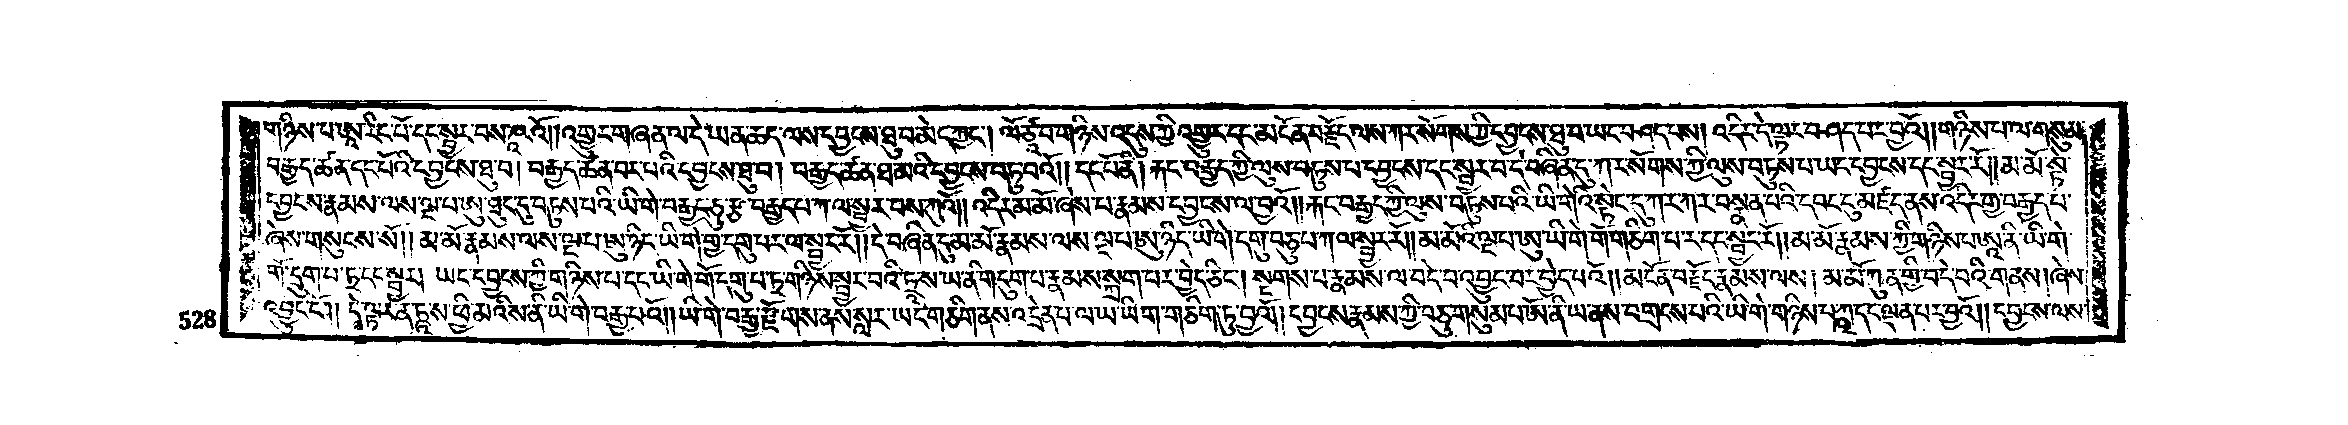གཉིས་པ་ཨཱ་རིང་པོ་དང་སྦྱར་བས་ཥཱའོ། །འགྱུར་གཞན་ལ་དེ་ཡན་ཆད་ལས་དབྱངས་ཐུ་བ་མེད་ཀྱང་། ལོ་ཙཱ་བ་གཉིས་འདུས་ཀྱི་འགྱུར་དང་མངོན་བརྗོད་ལས་ཀར་སོགས་ཀྱི་དབྱངས་ཐུ་བ་ཡང་བཤད་པས། འདིར་དེ་ལྟར་བཤད་པར་བྱའོ། །གཉིས་པ་ལ་གསུམ་
བརྒྱད་ཚན་དང་པོའི་དབྱངས་ཐུ་བ། བརྒྱད་ཚན་བར་པའི་དབྱངས་ཐུ་བ། བརྒྱད་ཚན་ཐ་མའི་དབྱངས་བཏུ་བའོ། །དང་པོ་ནི། རྐང་བརྒྱད་ཀྱི་ལུས་བཏུས་པ་དབྱངས་དང་སྦྱར་བ་དེ་བཞིན་དུ་ཀར་སོགས་ཀྱི་ལུས་བཏུས་པ་ཡང་དབྱངས་དང་སྦྱར་རོ། །མ་མོ་སྟེ་
དབྱངས་རྣམས་ལས་ལྔ་པ་ཨུ་ཐུང་ངུ་བཏུས་པའི་ཡི་གེ་བརྒྱད་ཅུ་རྩ་བརྒྱད་པ་ཀ་ལ་སྦྱར་བས་ཀུའོ། །འདིར་མ་མོ་ཞེས་པ་རྣམས་དབྱངས་ལ་བྱའོ། །རྐང་བརྒྱད་ཀྱི་ལུས་བཏུས་པའི་ཡི་གེའི་སྟེང་དུ་ཀ་ར་ཀ་ར་བསྣན་པའི་དབང་དུ་མཛད་ནས་འདིར་གྱ་བརྒྱད་པ་
ཞེས་གསུངས་སོ། །མ་མོ་རྣམས་ལས་ལྔ་པ་ཨུ་ཉིད་ཡི་གེ་གྱ་དགུ་པར་ལ་སྦྱར་རོ། །དེ་བཞིན་དུ་མ་མེ་རྣམས་ལས་ལྔ་པ་ཨུ་ཉིད་ཡི་གེ་དགུ་བཅུ་པ་ཀ་ལ་སྦྱར་རོ། །མ་མོའི་ལྔ་པ་ཨུ་ཡི་གེ་གོ་གཅིག་པ་ར་དང་སྦྱར་རོ། །མ་མོ་རྣམས་ཀྱི་གཉིས་པ་ཨཱ་ནི་ཡི་གེ་
གོ་དྲུག་པ་ཏྲ་དང་སྦྱར། ཡང་དབྱངས་ཀྱི་གཉིས་པ་དང་ཡི་གེ་གོ་དགུ་པ་ཏྲ་གཉིས་སྦྱར་བའི་ཏྲཱ་ས་ཡ་ནི་གདུག་པ་རྣམས་སྒྲག་པར་བྱེད་ཅིང་། སྔགས་པ་རྣམས་ལ་བདེ་བ་འབྱུང་བར་བྱེད་པའོ། །མངོན་བརྗོད་རྣམས་ལས། མ་མོ་ཀུན་གྱི་བདེ་བའི་གནས། ཞེས་
འབྱུང་ངོ། །དེ་ལྟར་ན་ཏྲཱ་ས་ཕྱི་མའི་ས་ནི་ཡི་གེ་བརྒྱ་པའོ། །ཡི་གེ་བརྒྱ་རྫོགས་ནས་སླར་ཡང་གཅིག་ནས་འདྲེན་པ་ལ་ཡ་ཡིག་གཅིག་ཏུ་བྱའོ། །དབྱངས་རྣམས་ཀྱི་བཅུ་གསུམ་པ་ཨོ་ནི་ཡ་ནས་བགྲངས་པའི་ཡི་གེ་གཉིས་པ་ཀྵ་དང་ལྡན་པར་བྱའོ། །དབྱངས་ལས་